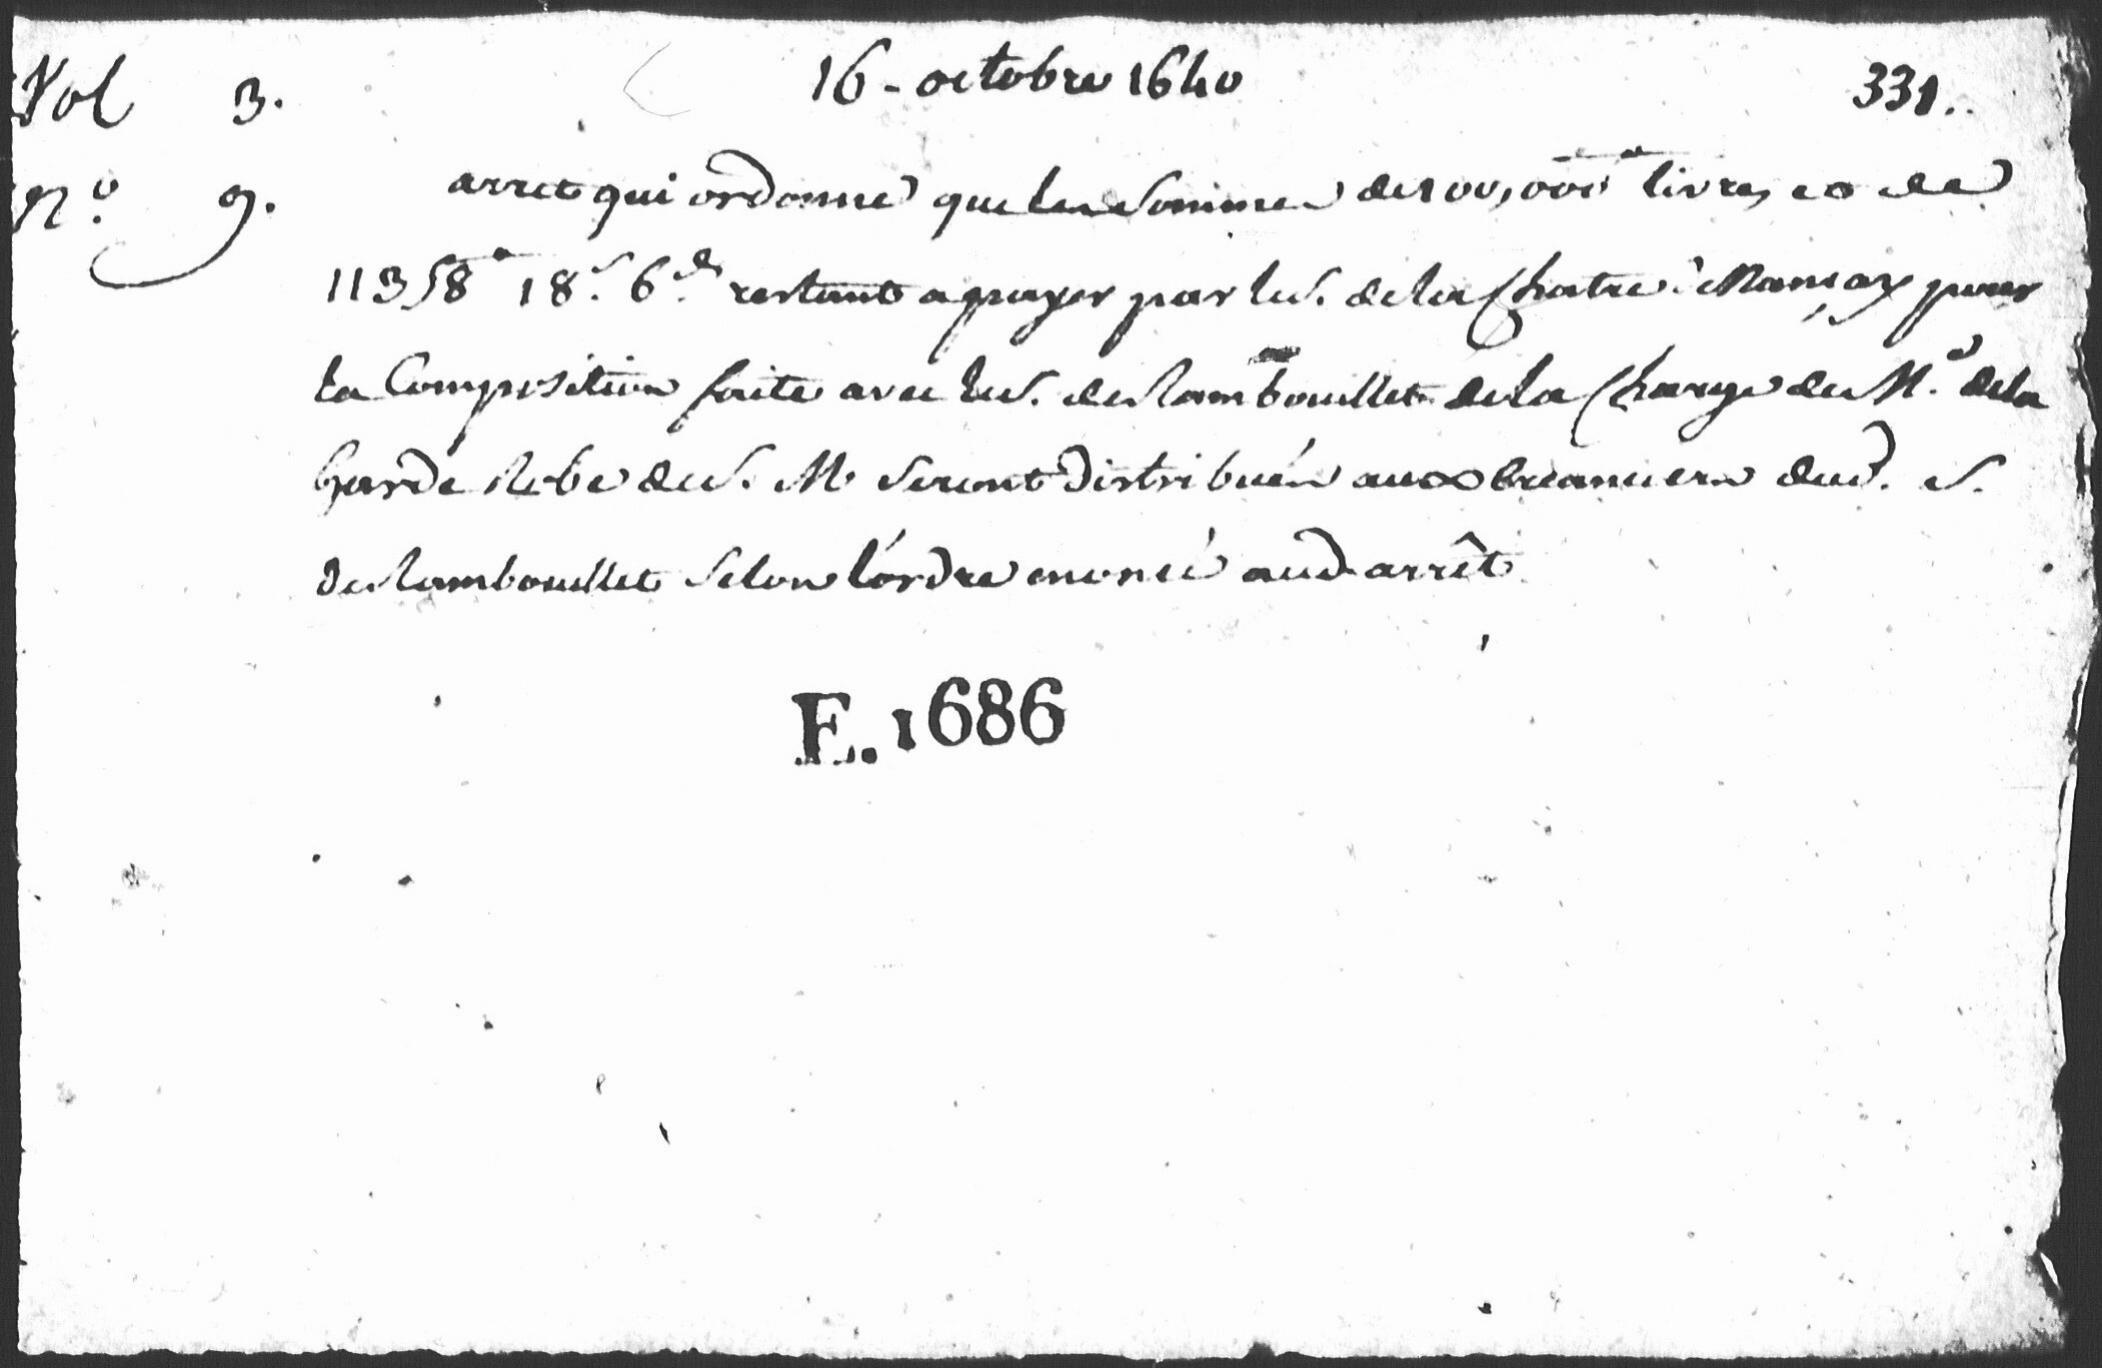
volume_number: n°9
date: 16 octobre 1640
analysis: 331..
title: arret qui ordonne que les sommes de 100,000 livres et de 11358 # 18 s. 6 d. restant a payer par le S. de la Chatre de Nancay pour la composition faite avec le S. de Rambouillet de la charge de M.e de la Garde Robe de S. M seront distribuées aux creanciers dud. S. de rambouillet selon l'ordre enoncé aud. arrêt
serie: E
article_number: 1686
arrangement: vol. 3
